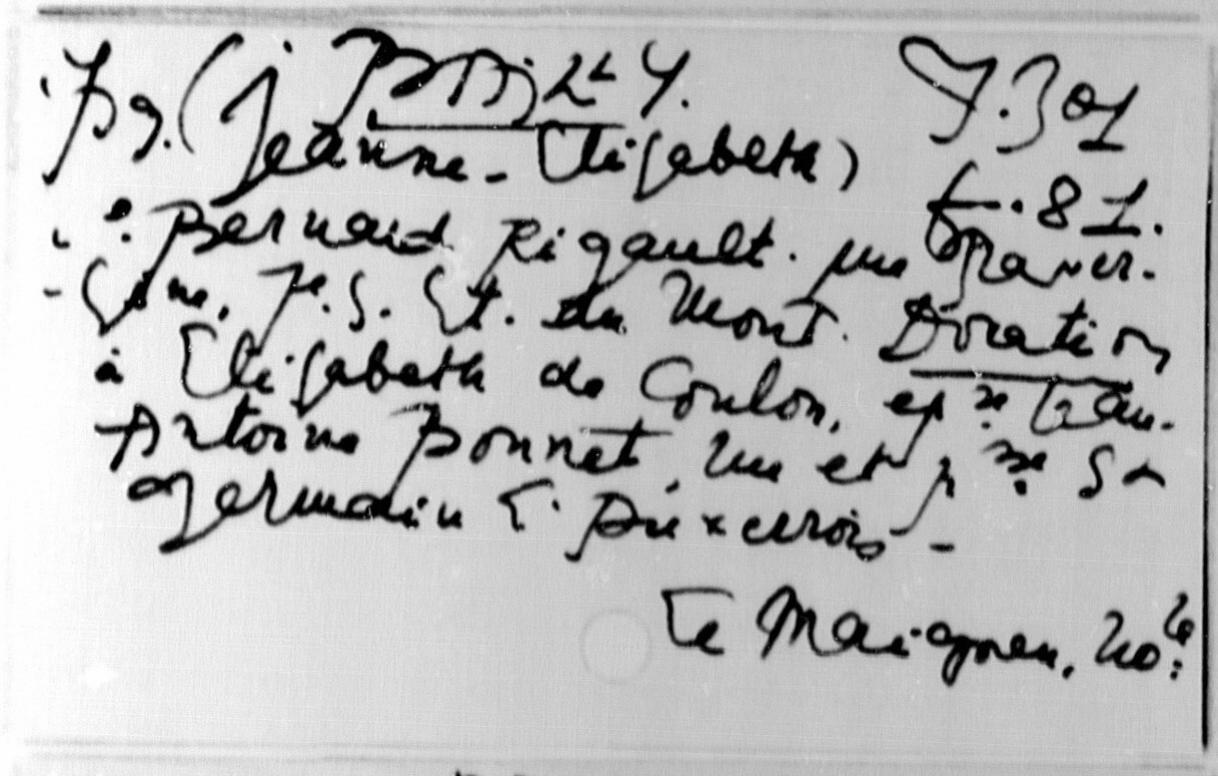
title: BAILLY (Jeanne-Élisabeth)
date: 1709
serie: Y
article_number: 301
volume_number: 81
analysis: veuve Bernard Rigault, rue Traversine, paroisse Saint-Étienne du Mont. Donation à Élisabeth de Coulon, épouse Marc? -Antoine Bonnet, rue et paroisse Saint-Germain l'Auxerrois. Le Maignen, notaire
